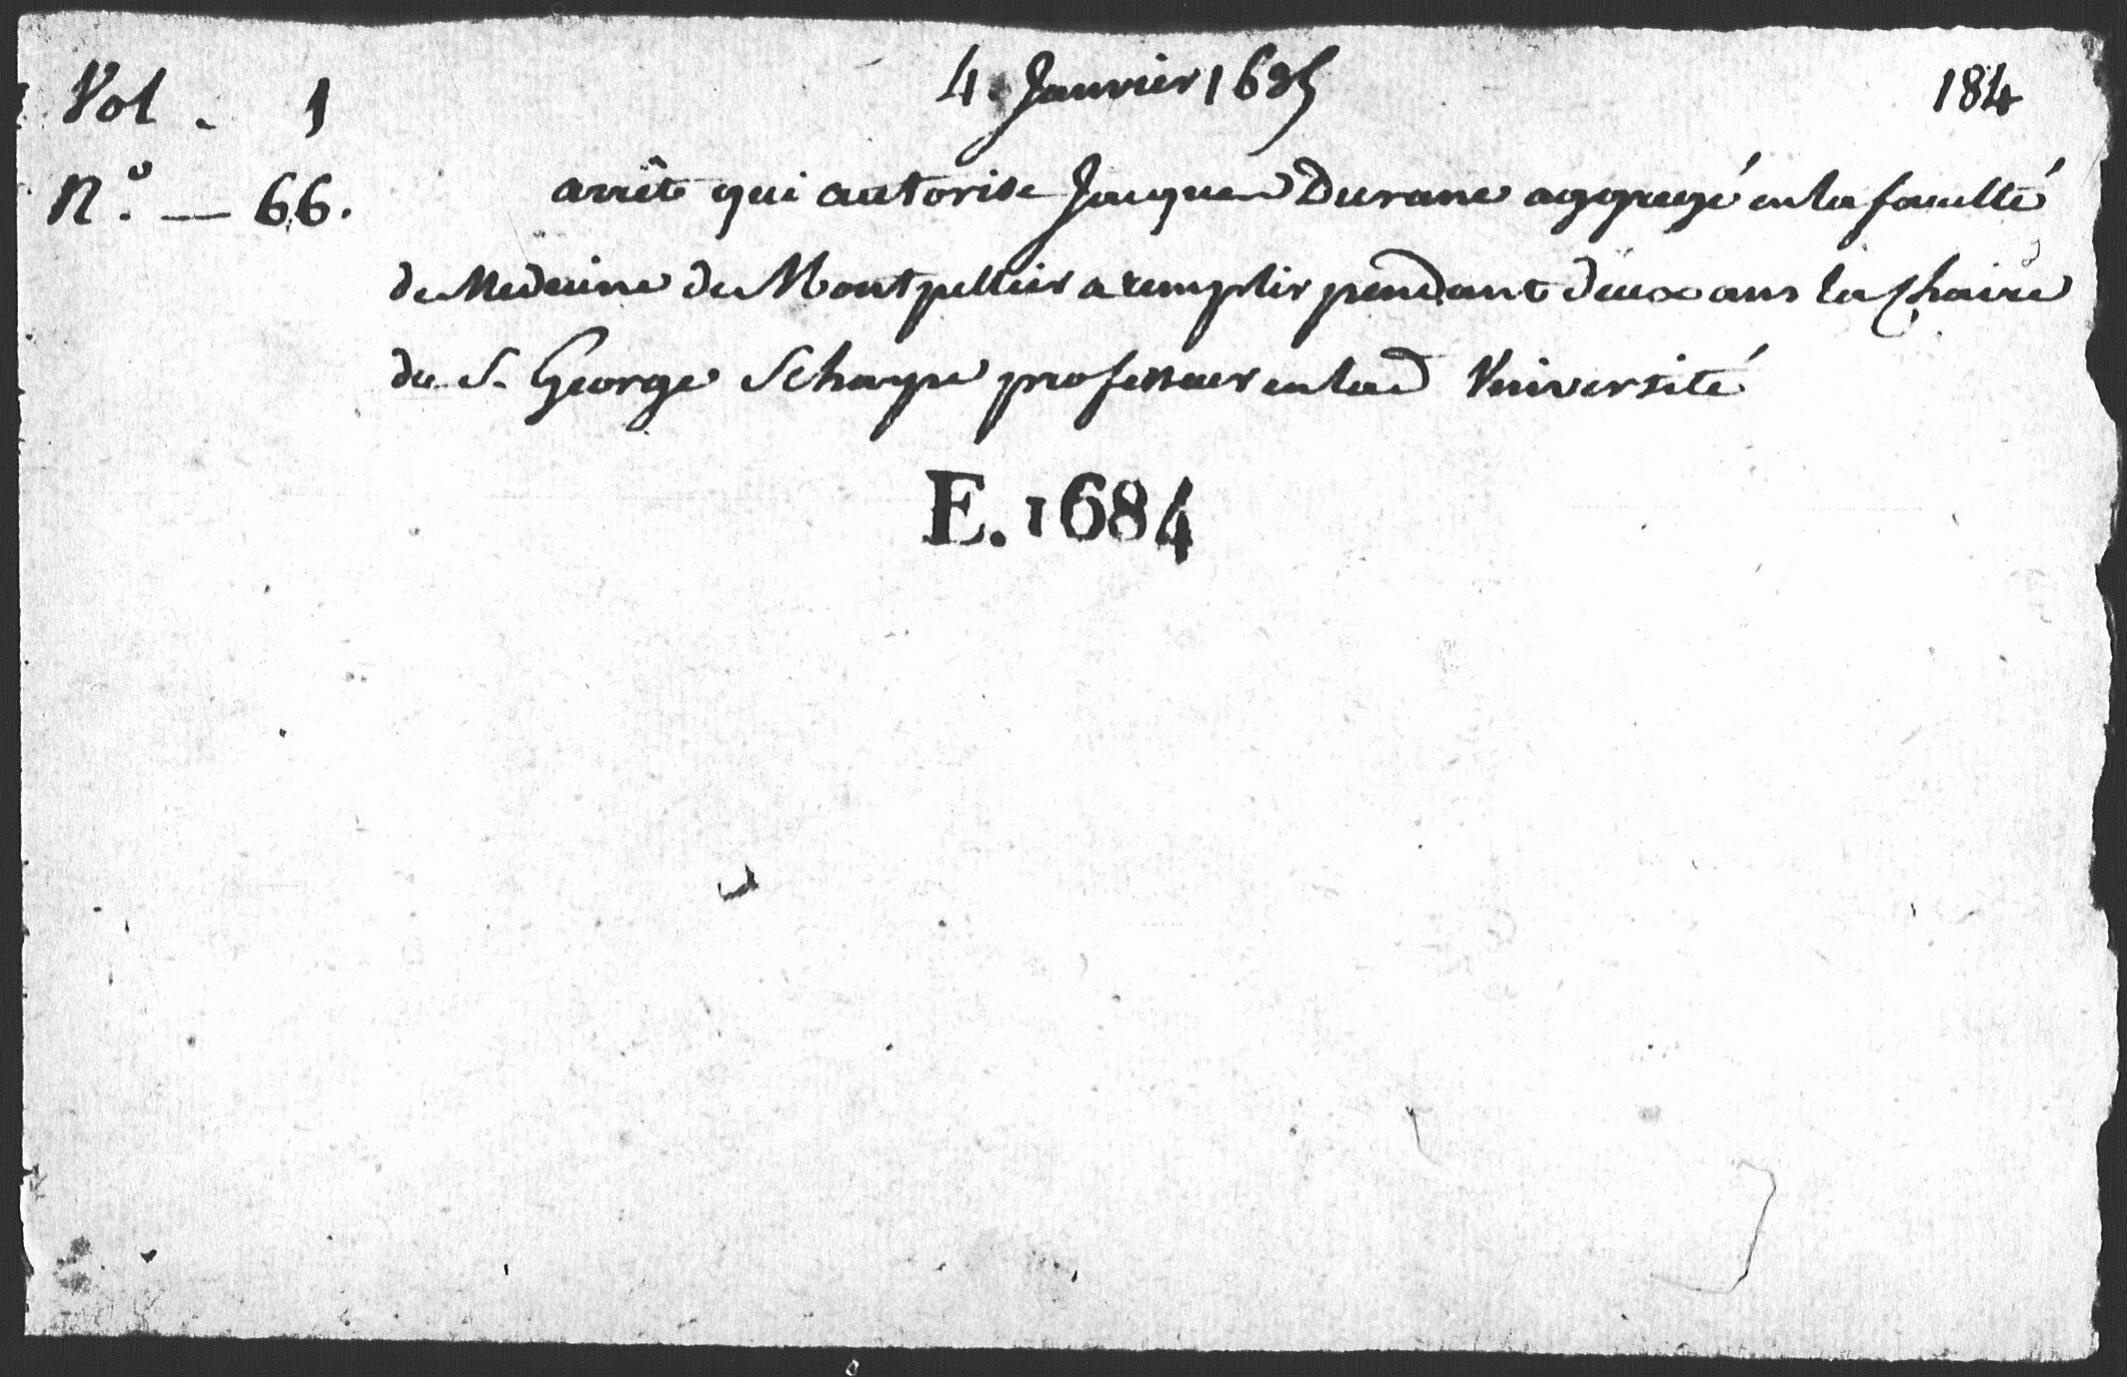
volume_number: n°66
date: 4 janvier 1635
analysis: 184
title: arrêt qui autorise Jacques Durane aggrégé en la faculté de Medecine de Montpellier a remplir pendant deux ans la chaire du S. George Scharpe professeur enlad. Université
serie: E
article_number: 1684
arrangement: vol. 1
